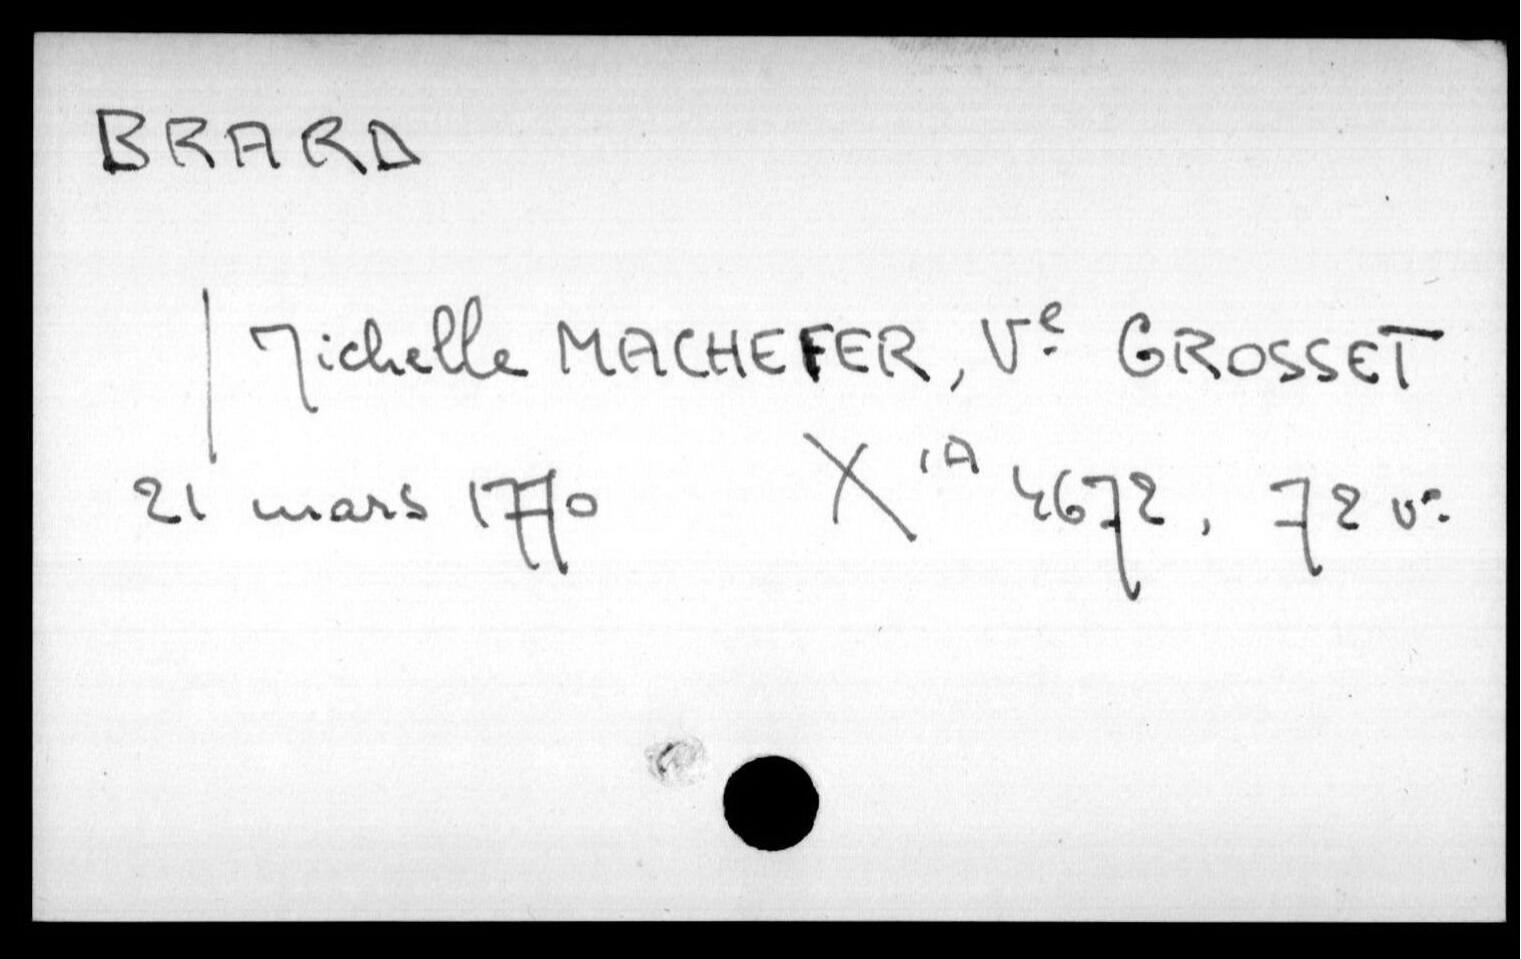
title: BRARD
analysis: Contre Michelle MACHEFER, veuve GROSSET
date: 21 mars 1770
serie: X1A
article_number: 4672
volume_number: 72v
